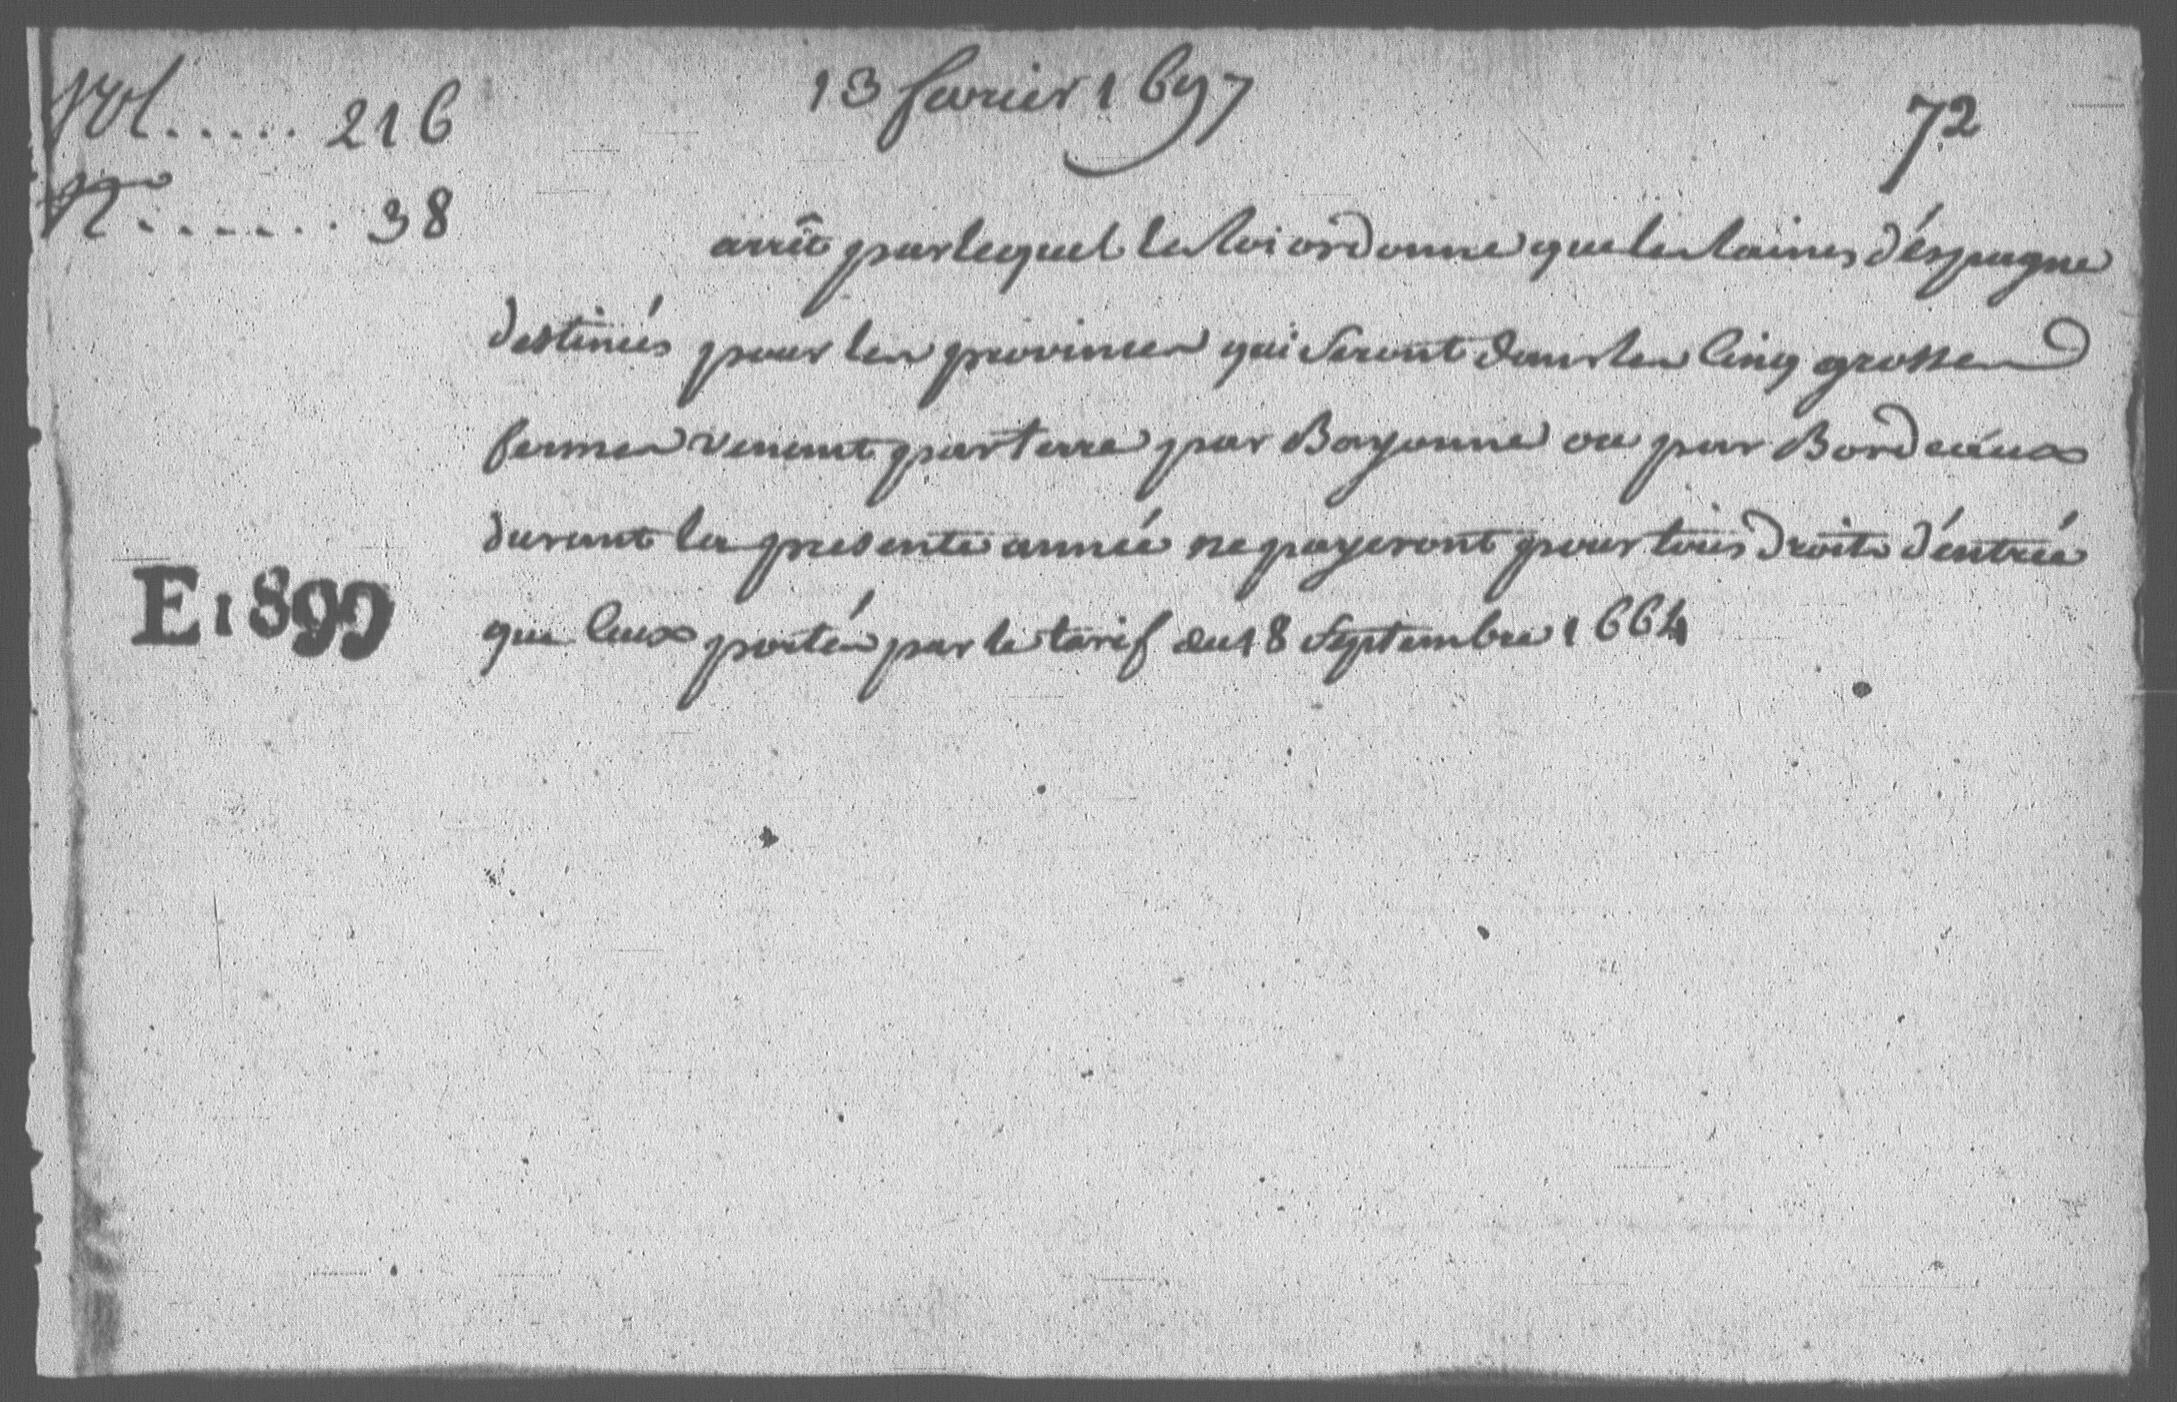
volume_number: n°38
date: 13 février 1697
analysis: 72
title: arrêt par lequel le Roi ordonne que les laines d'Espagne destinées pour les provinces qui seront dans les cinq grosses fermes venant par terre par Bayonne ou par Bordeaux durant la presente année ne payeront pour tous droits d'entrée que ceux portés par le tarif du 18 septembre 1664
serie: E
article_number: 1899
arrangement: vol. 216
